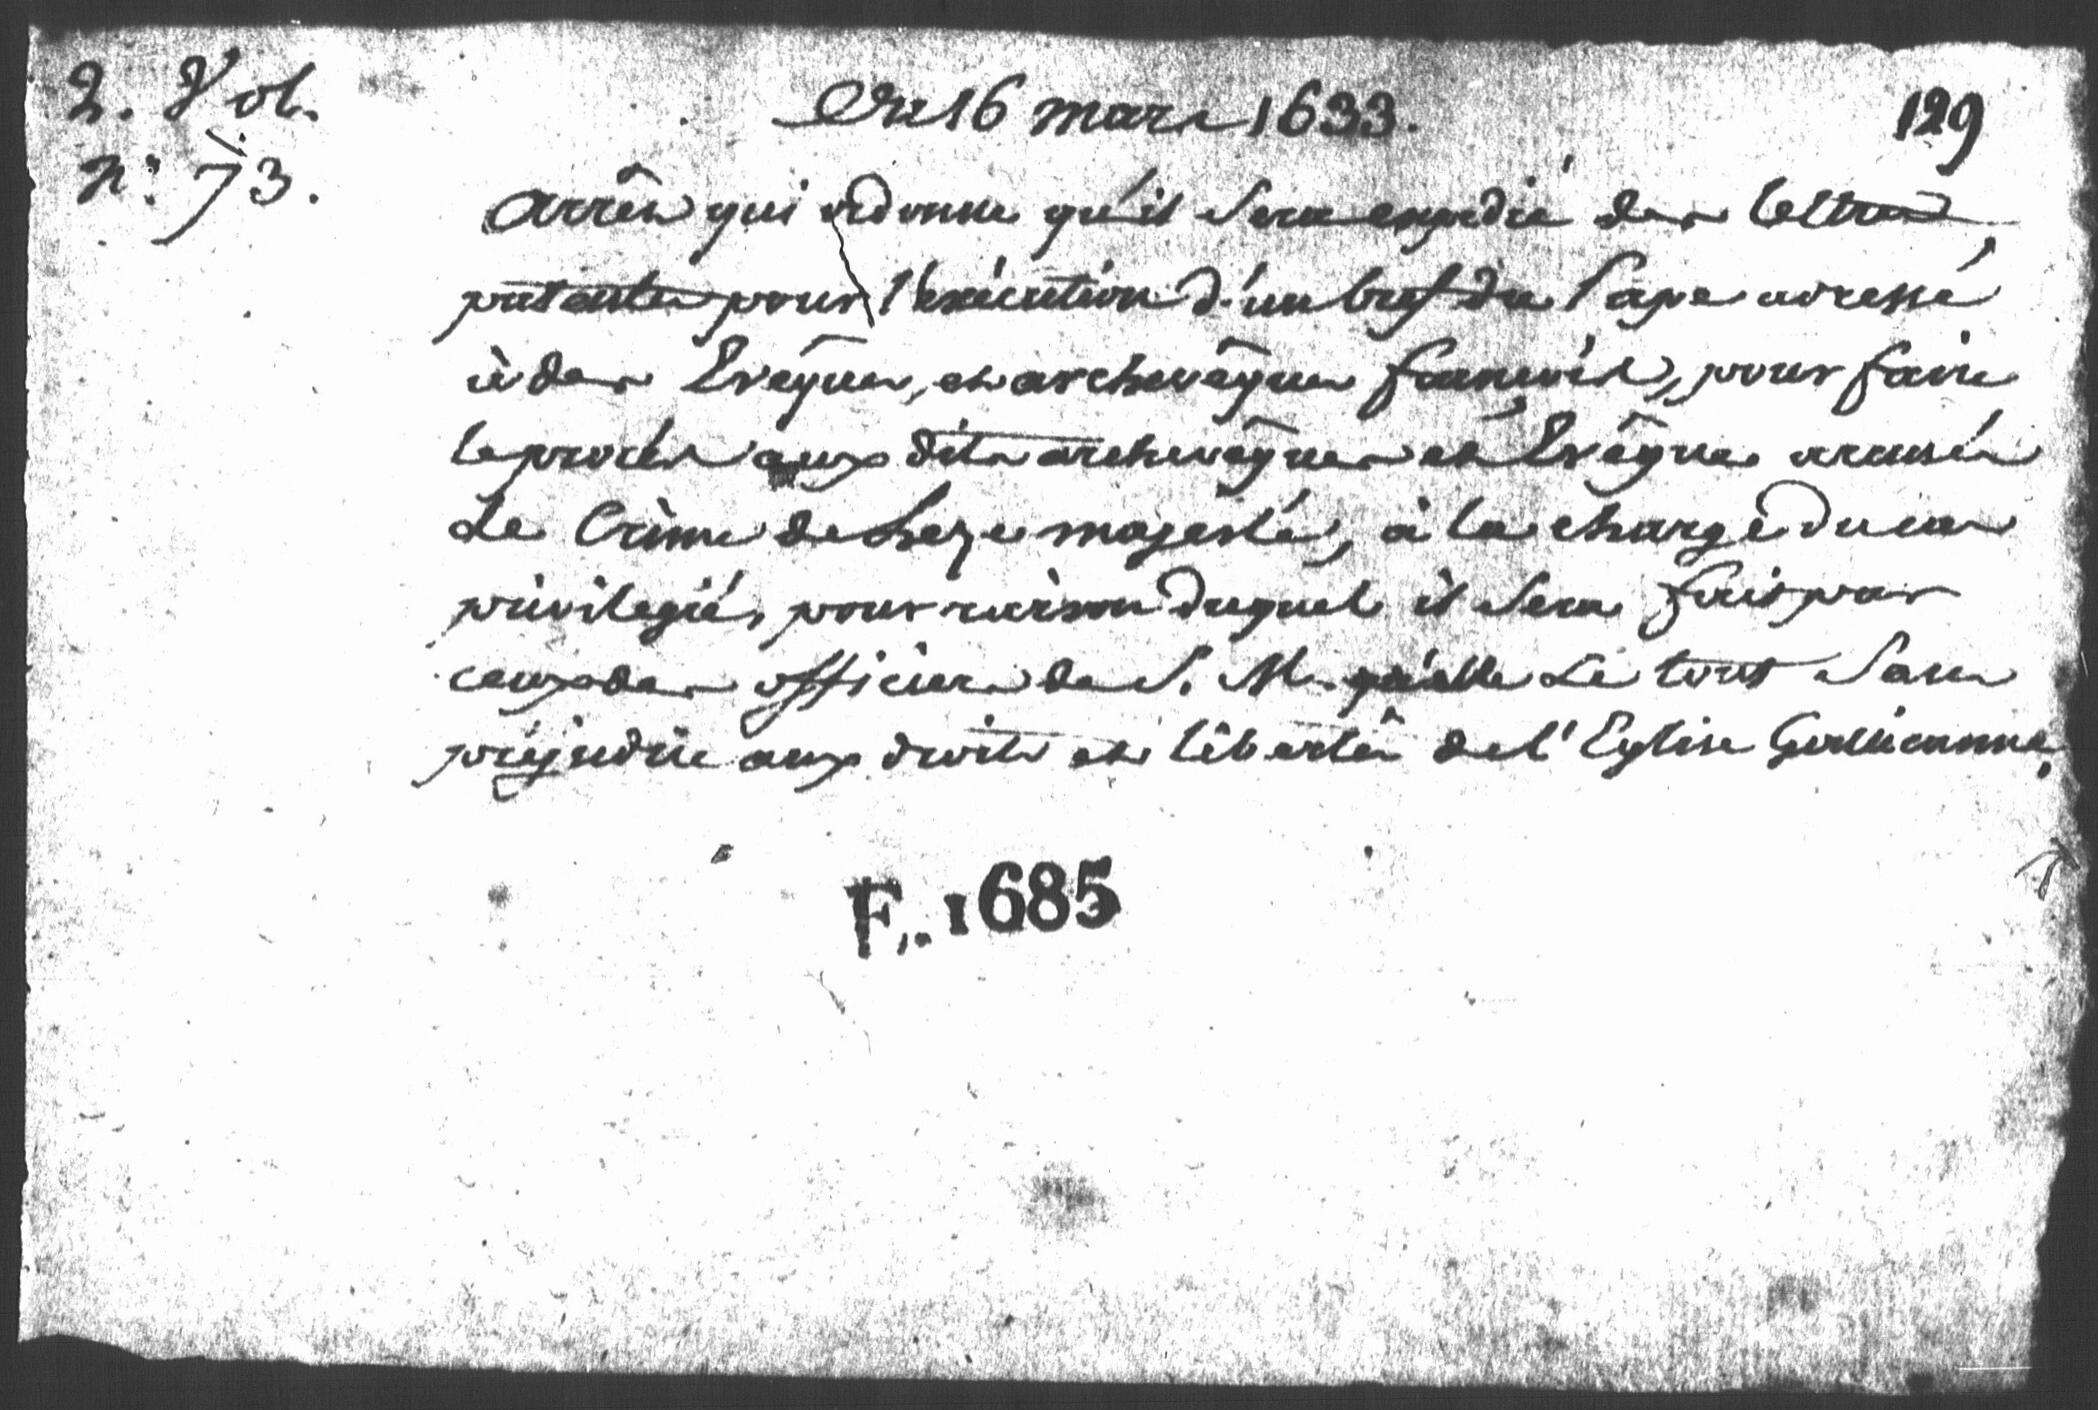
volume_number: n°73
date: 16 mars 1633
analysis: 129
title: Arrêt qui ordonne qu'il sera expedié des lettres patentes pour l'exécution d'un bref du Pape adressé à des Evêques et archevêques françois, pour faire le procès aux dits archevêques et Evêques accusés de crime de leze majesté, à la charge des cas privilegiés pour raison duquel il sera fait par ceux des officiers de s. M. [qu'elle barré] le tout sans préjudice aux droits et libertés de l'Eglise gallicanne.
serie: E
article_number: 1685
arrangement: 2. vol.
